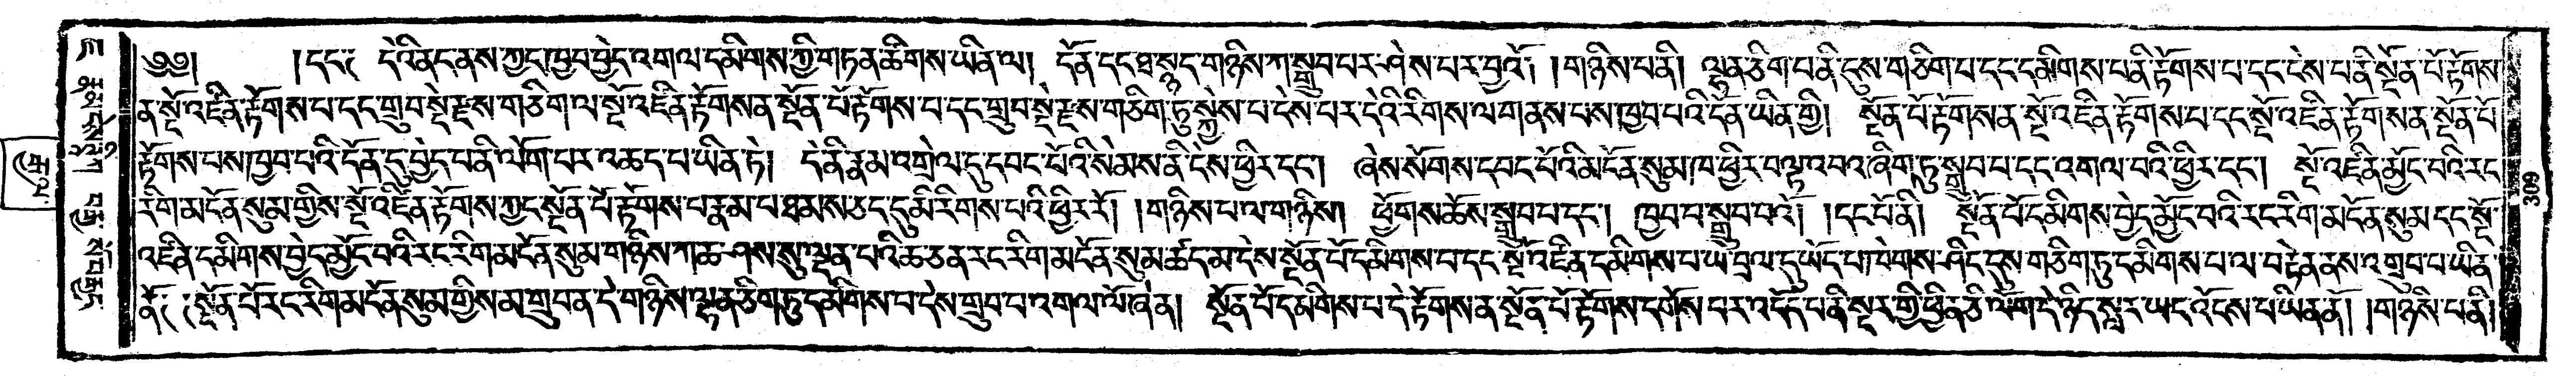༄༅། །དང་། དེའི་ནང་ནས་ཀྱང་ཁྱབ་བྱེད་འགལ་དམིགས་ཀྱི་གཏན་ཚིགས་ཡིན་ལ། དོན་དང་ཐ་སྙད་གཉིས་ཀ་སྒྲུབ་པར་ཤེས་པར་བྱའོ། །གཉིས་པ་ནི། ལྷན་ཅིག་པ་ནི་དུས་གཅིག་པ་དང་དམིགས་པ་ནི་རྟོགས་པ་དང་ངེས་པ་ནི་སྔོན་པོ་རྟོགས་
ན་སྔོ་འཛིན་རྟོགས་པ་དང་གྲུབ་སྡེ་རྫས་གཅིག་ལ་སྔོ་འཛིན་རྟོགས་ན་སྔོན་པོ་རྟོགས་པ་དང་གྲུབ་སྡེ་རྫས་གཅིག་ཏུ་སྐྱེས་པ་ངེས་པར་དེའི་རིགས་ལ་གནས་པས་ཁྱབ་པའི་དོན་ཡིན་གྱི། སྔོན་པོ་རྟོགས་ན་སྔོ་འཛིན་རྟོགས་པ་དང་སྔོ་འཛིན་རྟོགས་ན་སྔོན་པོ་
རྟོགས་པས་ཁྱབ་པའི་དོན་དུ་བྱེད་པ་ནི་ལོག་པར་འཆད་པ་ཡིན་ཏེ། དེ་ནི་རྣམ་འགྲེལ་དུ་དབང་པོའི་སེམས་ནི་དེས་ཕྱིར་དང་། ཞེས་སོགས་དབང་པོའི་མངོན་སུམ་ཁ་ཕྱིར་བལྟ་འབའ་ཞིག་ཏུ་སྒྲུབ་པ་དང་འགལ་བའི་ཕྱིར་དང་། སྔོ་འཛིན་མྱོང་བའི་རང་
རིག་མངོན་སུམ་གྱིས་སྔོ་འཛིན་རྟོགས་ཀྱང་སྔོན་པོ་རྟོགས་པ་རྣམ་པ་ཐམས་ཅད་དུ་མི་རིགས་པའི་ཕྱིར་རོ། །གཉིས་པ་ལ་གཉིས། ཕྱོགས་ཆོས་སྒྲུབ་པ་དང་། ཁྱབ་པ་སྒྲུབ་པའོ། །དང་པོ་ནི། སྔོན་པོ་དམིགས་བྱེད་མྱོང་བའི་རང་རིག་མངོན་སུམ་དང་སྔོ་
འཛིན་དམིགས་བྱེད་མྱོང་བའི་རང་རིག་མངོན་སུམ་གཉིས་ཀ་ཆ་ཤས་སུ་ལྡན་པའི་ཆ་ཅན་རང་རིག་མངོན་སུམ་ཚད་མ་དེས་སྔོན་པོ་དམིགས་པ་དང་སྔོ་འཛིན་དམིགས་པ་ཡི་བྲལ་དུ་ཡོད་པ་ཁེགས་ཤིང་དུས་གཅིག་ཏུ་དམིགས་པ་ལ་བརྟེན་ནས་འགྲུབ་པ་ཡིན་
ནོ། །སྔོན་པོ་རང་རིག་མངོན་སུམ་གྱིས་མ་གྲུབ་ན་དེ་གཉིས་ལྷན་ཅིག་ཏུ་དམིགས་པ་དེས་གྲུབ་པ་འགལ་ལོ་ཞེ་ན། སྔོན་པོ་དམིགས་པ་དེ་རྟོགས་ན་སྔོན་པོ་རྟོགས་དགོས་པར་འདོད་པ་ནི་སྔར་གྱི་ཕྱིན་ཅི་ལོག་དེ་ཉིད་སླར་ཡང་འོངས་པ་ཡིན་ནོ། །གཉིས་པ་ནི།